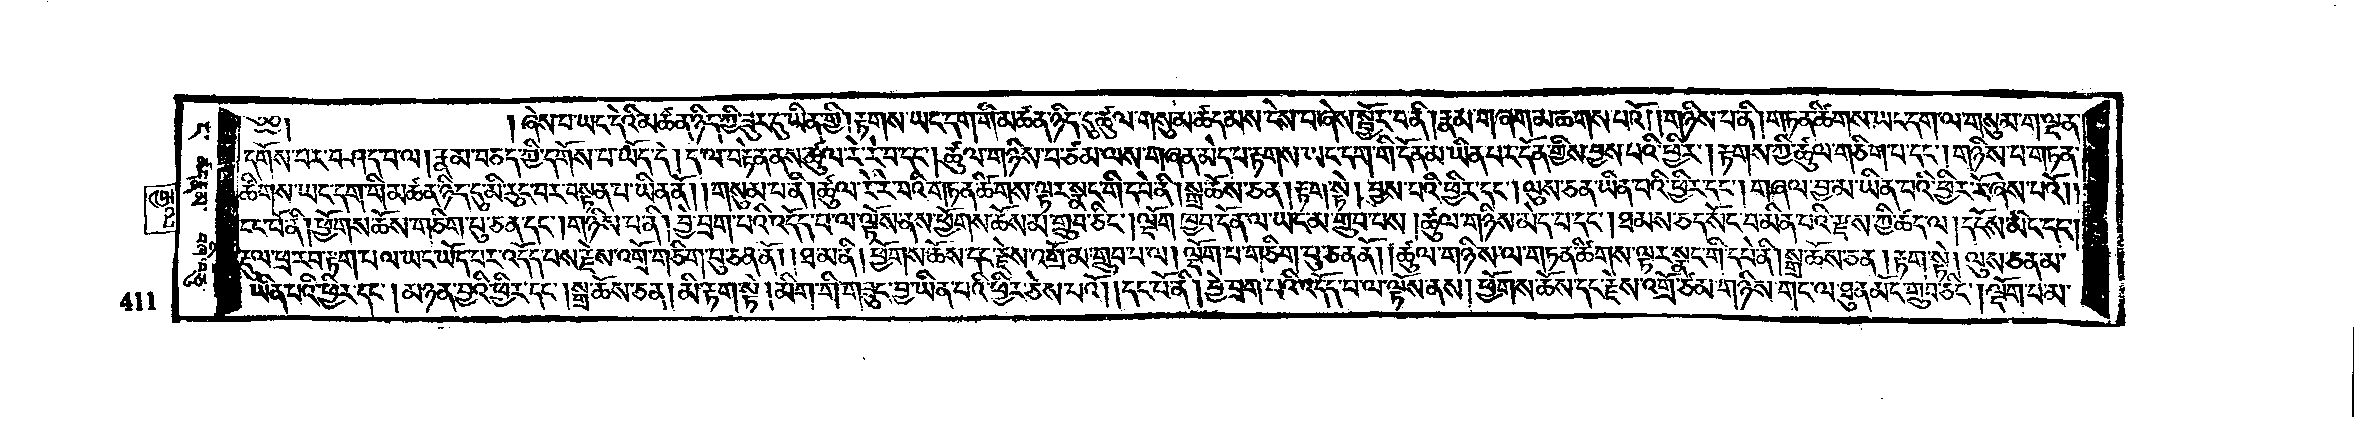༄༅། །ཞེས་པ་ཡང་དེའི་མཚན་ཉིད་ཀྱི་ཟུར་དུ་ཡིན་གྱི། རྟགས་ཡང་དག་གི་མཚན་ཉིད་དུ་ཚུལ་གསུམ་ཚད་མས་ངེས་པ་ཞེས་སྦྱོར་བ་ནི། རྣམ་གཞག་མ་ཆགས་པའོ། །གཉིས་པ་ནི། གཏན་ཚིགས་ཡང་དག་ལ་གསུམ་ལ་ལྡན་
དགོས་པར་བཤད་པ་དང་། རྣམ་བཅད་ཀྱི་དགོས་པ་ཡོད་དེ། ད་ལ་བརྟེན་ནས་ཚུལ་རེ་རེ་བ་དང་། ཚུལ་གཉིས་པ་ཙམ་ལས་གཞན་མེད་པ་རྟགས་ཡང་དག་གི་དོན་མ་ཡིན་པར་དོན་གྱིས་བྱས་པའི་ཕྱིར། རྟགས་ཀྱི་ཚུལ་གཅིག་པ་དང་། གཉིས་པ་གཏན་
ཚིགས་ཡང་དག་གི་མཚན་ཉིད་དུ་མི་རུང་བར་བསྟན་པ་ཡིན་ནོ། །གསུམ་པ་ནི། ཚུལ་རེ་རེ་བའི་གཏན་ཚིགས་ལྟར་སྣང་གི་དཔེ་ནི། སྒྲ་ཆོས་ཅན། རྟག་སྟེ། བྱས་པའི་ཕྱིར་དང་། ལུས་ཅན་ཡིན་པའི་ཕྱིར་དང་། གཞལ་བྱ་ཨ་ཡིན་པའི་ཕྱིར་རོ་ཞེས་པའོ། །
དང་པོ་ནི། ཕྱོགས་ཆོས་གཅིག་བུ་ཅན་དང་། གཉིས་པ་ནི། བྱེ་བྲག་པའི་འདོད་པ་ལ་ལྟོས་ནས་ཕྱོགས་ཆོས་མ་གྲུབ་ཅིང་། ལྡོག་ཁྱབ་དོན་ལ་ཡང་མ་གྲུབ་པས། ཚུལ་གཉིས་མེད་པ་དང་། ཐམས་ཅད་སོང་བ་མིན་པའི་རྫས་ཀྱི་ཚད་ལ། དངོས་མིང་དང་།
རྡུལ་ཕྲ་རབ་རྟག་པ་ལ་ཡང་ཡོད་པར་འདོད་པས་རྗེས་འགྲོ་གཅིག་བུ་ཅན་ནོ། །ཐ་མ་ནི། ཕྱོགས་ཆོས་དང་རྗེས་འགྲོ་མ་གྲུབ་པ་ལ། ལྡོག་པ་གཅིག་པུ་ཅན་ནོ། །ཚུལ་གཉིས་ལ་གཏན་ཚིགས་ལྟར་སྣང་གི་དཔེ་ནི། སྒྲ་ཆོས་ཅན། རྟག་སྟེ། ལུས་ཅན་མ་
ཡིན་པའི་ཕྱིར་དང་། མཉན་བྱའི་ཕྱིར་དང་། སྒྲ་ཆོས་ཅན། མི་རྟག་སྟེ། མིག་གི་གཟུང་བྱ་ཡིན་པའི་ཕྱིར་ཅེས་པའོ། །དང་པོ་ནི་བྱེ་བྲག་པའི་འདོད་པ་ལ་ལྟོས་ནས། ཕྱོགས་ཆོས་དང་རྗེས་འགྲོ་ཙམ་གཉིས་གང་ལ་ཐུན་མོང་གྲུབ་ཅིང་། ལྡོག་པ་མ་